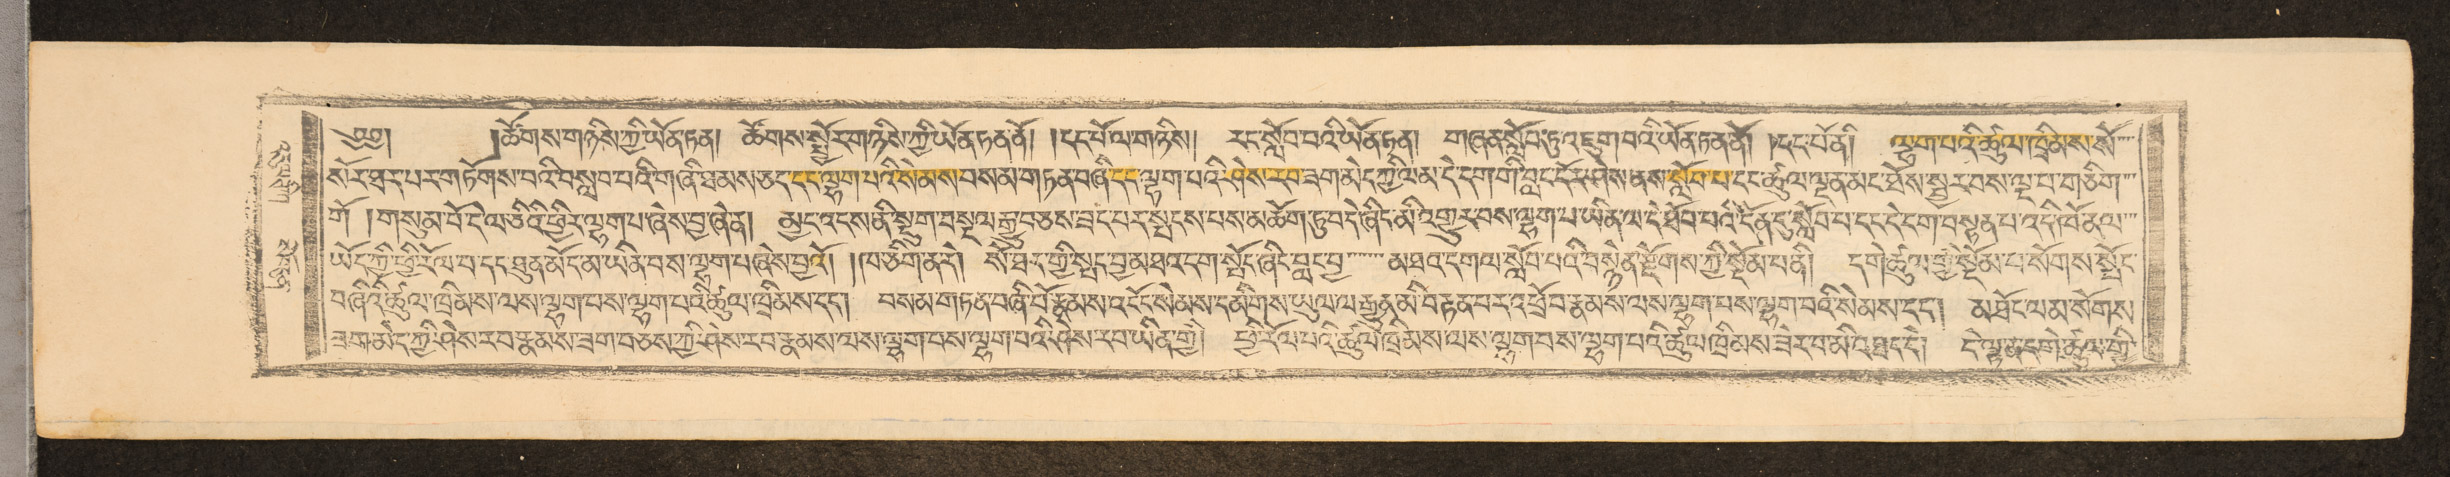༄༅། །ཚོགས་གཉིས་ཀྱི་ཡོན་ཏན། ཚོགས་སྦྱོར་གཉིས་ཀྱི་ཡོན་ཏན་ནོ། །དང་པོ་ལ་གཉིས། རང་སློབ་པའི་ཡོན་ཏན། གཞན་སློབ་ཏུ་འཇུག་པའི་ཡོན་ཏན་ནོ། །དང་པོ་ནི། ལྷག་པའི་ཚུལ་ཁྲིམས་སོ་
སོར་ཐར་པར་གཏོགས་པའི་བསླབ་པའི་གཞི་ཐམས་ཅད་དང་ལྷག་པའི་སེམས་བསམ་གཏན་བཞི་དང་ལྷག་པའི་ཤེས་རབ་ཟག་མེད་ཀྱི་ལམ་དེ་དག་གི་བླང་དོར་ཤེས་ནས་སློབ་པ་དང་ཚུལ་ལྡན་མང་ཐོས་སྦྱར་བས་ལྔ་པ་གཅིག་
གོ །གསུམ་པོ་དེ་ལ་ཅིའི་ཕྱིར་ལྷག་པ་ཞེས་བྱ་ཞེ་ན། མྱང་འདས་ནི་སྡུག་བསྔལ་རྒྱུ་བཅས་ཟད་པར་སྤངས་པས་མཆོག་ཏུ་བདེ་ཞིང་མི་འགྱུར་བས་ལྷག་པ་ཡིན་ལ་དེ་ཐོབ་པའི་དོན་དུ་སློབ་པ་དང་དེ་དག་བསྟན་པ་འདི་ཁོ་ན་ལ་
ཡོད་ཀྱི་ཕྱི་རོལ་པ་དང་ཐུན་མོང་མ་ཡིན་པས་ལྷག་པ་ཞེས་བྱའོ། །ཁ་ཅིག་ན་རེ། སོ་ཐར་གྱི་སྤང་བྱ་མཐའ་དག་སྤོང་ཞིང་བླང་བྱ་མཐའ་དག་ལ་སློབ་པའི་བསྙེན་རྫོགས་ཀྱི་སྡོམ་པ་ནི། དགེ་ཚུལ་གྱི་སྡོམ་པ་སོགས་སྤོང་
བཞིའི་ཚུལ་ཁྲིམས་ལས་ལྷག་པས་ལྷག་པའི་ཚུལ་ཁྲིམས་དང་། བསམ་གཏན་བཞི་པོ་རྣམས་འདོད་སེམས་དམིགས་ཡུལ་ལ་རྒྱུན་མི་བརྟན་པར་འཕྲོ་བ་རྣམས་ལས་ལྷག་པས་ལྷག་པའི་སེམས་དང་། མཐོང་ལམ་སོགས་
ཟག་མེད་ཀྱི་ཤེས་རབ་རྣམས་ཟག་བཅས་ཀྱི་ཤེས་རབ་རྣམས་ལས་ལྷག་པས་ལྷག་པའི་ཤེས་རབ་ཡིན་གྱི། ཕྱི་རོལ་པའི་ཚུལ་ཁྲིམས་ལས་ལྷག་པས་ལྷག་པའི་ཚུལ་ཁྲིམས་ཟེར་བ་མི་འཐད་དེ། དེ་ལྟ་ན་དགེ་ཚུལ་གྱི་